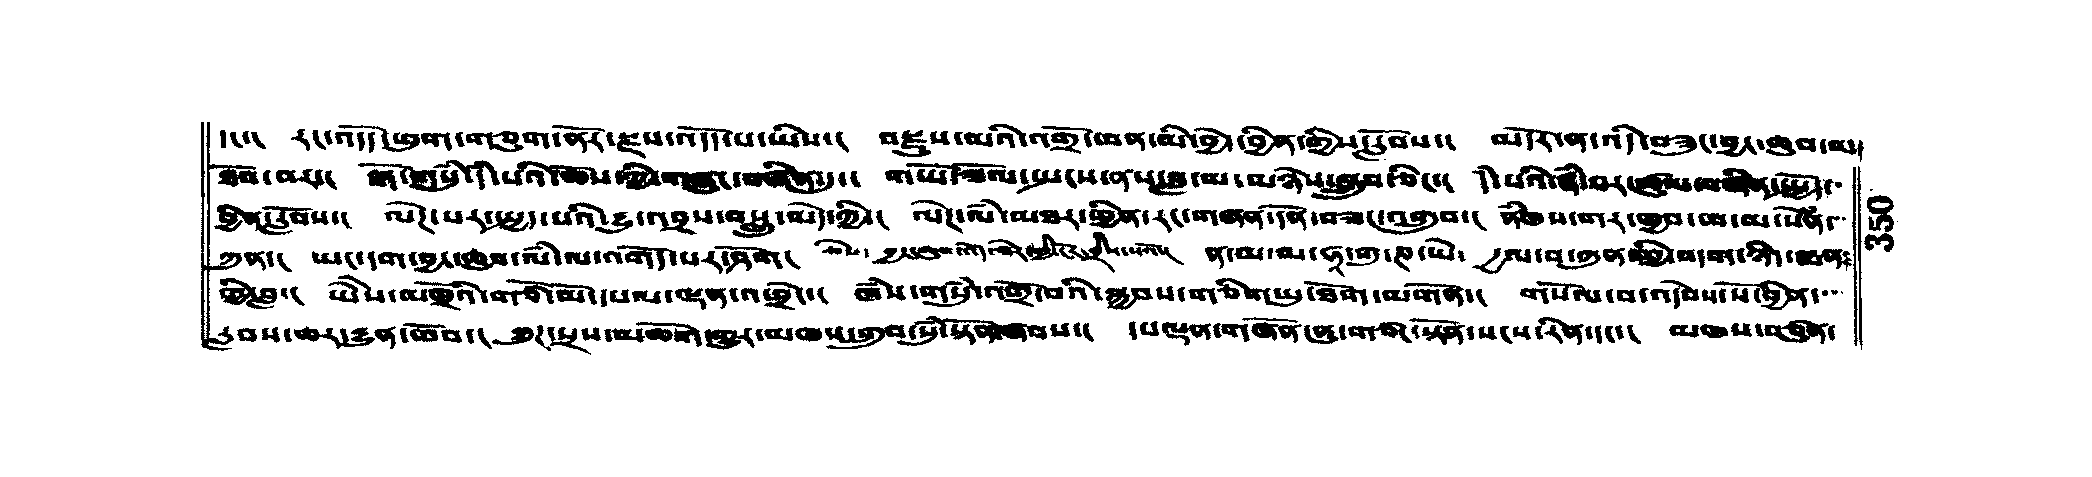དང་། །རང་འདོད་ཕུག་གཅུག་ནོར་རྫས་འདོད་པ་ཡིས། །བརྫུས་མའི་འགྲོ་ཕན་མི་བྱེད་བྱིན་གྱིས་རློབས། །མདོར་ན་འདི་བཟུང་བྱང་ཆུབ་མ་
ཐོབ་བར། །སྒོ་གསུམ་དམ་པའི་ཆོས་ཀྱི་གཞུང་བཞིན་དུ། །གཡོ་ཟོལ་སྤངས་ནས་བླ་མ་མཉེས་སྒྲུབ་ཅིང་། །དམ་པའི་རྣམ་ཐར་ཚུལ་བཞིན་སྤྱོད་
བྱིན་རློབས། །ལེགས་པར་སྤྱད་པའི་རྒྱུ་འབྲས་བསླུ་མེད་ཀྱི། །ལེགས་ལམ་མཐར་ཕྱིན་རང་གཞན་དོན་བཟང་འགྲུབ། །ནམ་མཁས་གར་ཁྱབ་ཕ་མ་སེམས་ཅན་
ཀུན། །ཡང་དག་བྱང་ཆུབ་ལམ་ལ་འགོད་པར་ཤོག ཅེས་བྱང་ཆུབ་འོད་ཟེར་གྱི་ངོར་བྲིས་པའོ།། ན་མ་མ་ཧཱ་གུ་ཎ་ཡེ། རྒྱལ་བ་ཀུན་གྱི་བདག་ཉིད་སྨན་
གྱི་བླ། །ཡེ་ཤེས་མཁའ་འགྲོ་གཙོ་མོ་དཔལ་ལྡན་འཕྲེང་། །ཁམས་གསུམ་འགྲོ་བའི་སྐྱབས་གཅིག་གཡུ་ཐོག་མགོན། །གསོལ་བ་འདེབས་སོ་བྱིན་
རླབས་ཆར་རྒྱུན་ཕོབ། །ཐུགས་སྲས་མཆོག་གྱུར་མཁས་གྲུབ་སུམ་སྟོན་ཞབས། །དཔལ་ལྡན་གཞོན་ནུ་གཙང་སྟོན་སངས་རིན་དང་། །མཁས་བཙུན་